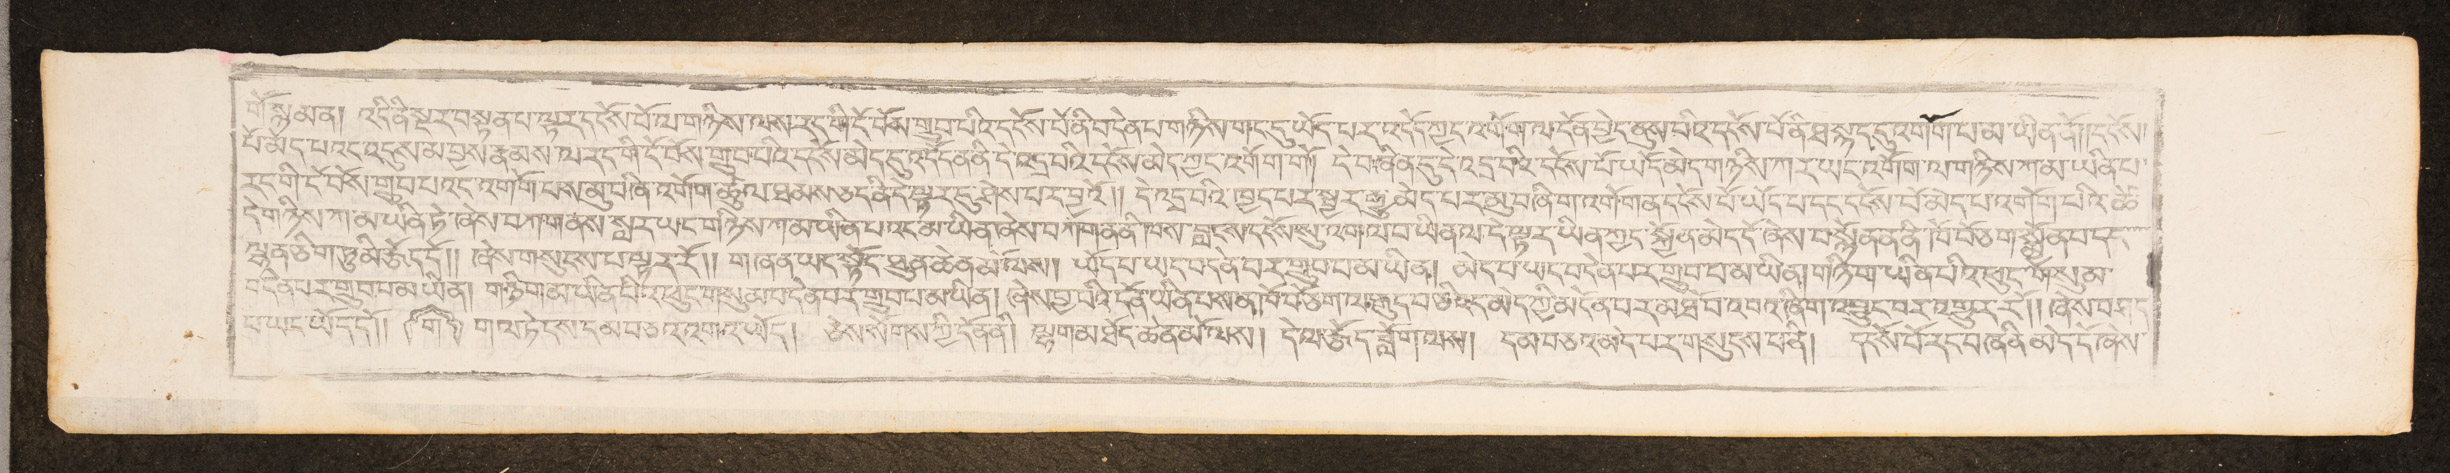གོ་སྙམ་ན། འདི་ནི་སྔར་བསྟན་པ་ལྟར་དངོས་པོ་ལ་གཉིས་ལས་རང་གི་ངོ་བོས་གྲུབ་པའི་དངོས་པོ་ནི་བདེན་པ་གཉིས་གང་དུ་ཡོད་པར་འདོད་ཀྱང་འགོག་ལ་དོན་བྱེད་ནུས་པའི་དངོས་པོ་ནི་ཐ་སྙད་དུ་འགག་པ་མ་ཡིན་ནོ། །དངོས་
པོ་མེད་པའང་འདུས་མ་བྱས་རྣམས་ལ་རང་གི་ངོ་བོས་གྲུབ་པའི་དངོས་མེད་དུ་འདོད་ན་ནི་དེ་འདྲ་བའི་དངོས་མེད་ཀྱང་འགོག་གོ། །དེ་བཞིན་དུ་དེ་བའི་དངོས་པོ་ཡོད་མེད་གཉིས་ཀར་ཡང་འགོག་ལ་གཉིས་ཀ་མ་ཡིན་པ་
རང་གི་ངོ་བོས་གྲུབ་པའང་འགོག་པས་མུ་བཞི་འགོག་ཚུལ་ཐམས་ཅད་ནི་དེ་ལྟར་དུ་ཤེས་པར་བྱའོ། །དེ་འདྲ་བའི་ཁྱད་པར་སྦྱར་རྒྱུ་མེད་པར་མུ་བཞིག་འགོག་ན་དངོས་པོ་ཡོད་པ་དང་དངོས་པོ་མེད་པ་འགོག་པའི་ཚེ་
དེ་གཉིས་ཀ་མ་ཡིན་ཏེ་ཞེས་བཀག་ནས་སླར་ཡང་གཉིས་ཀ་མ་ཡིན་པའང་མ་ཡིན་ཞེས་བཀག་ན་ནི་ཁས་བླངས་དངོས་སུ་འགལ་བ་ཡིན་ལ་དེ་ལྟར་ཡིན་ཀྱང་སྐྱོན་མེད་དོ་ཞེ་བསྙོན་ན་ནི་ཁོ་བོ་ཅག་སྨྱོན་པ་དང་
ལྷན་ཅིག་ཏུ་མི་རྩོད་དོ། །ཞེས་གསུངས་པ་ལྟར་རོ། །གཞན་ཡང་སྟོང་ཐུན་ཆེན་མོ་ལས། ཡོད་པ་ཡང་བདེན་པར་གྲུབ་པ་མ་ཡིན། མེད་པ་ཡང་བདེན་པར་གྲུབ་པ་མ་ཡིན། གཉིས་ག་ཡིན་པའི་ཕུང་གསུམ་
བདེན་པར་གྲུབ་པ་མ་ཡིན། གཉིས་མ་ཡིན་པའི་ཕུང་གསུམ་བདེན་པར་གྲུབ་པ་མ་ཡིན། ཞེས་བྱ་བའི་དོན་ཡིན་པས་ན་ཁོ་བོ་ཅག་ལ་རྒུད་པ་ཅི་འད་མེད་ཀྱི་མངོན་པར་མཐོབ་འབའ་ཞིག་འབྱུང་བར་འགྱུར་རོ། །ཞེས་བཤད་
པ་ཡང་ཡོད་དོ།། ༼༽ག༼༽ གལ་ཏེ་ངས་དམ་བཅའ་འགའ་ཡོད། ཅེས་སོགས་ཀྱི་དོན་ནི། ལྷག་མཐོང་ཆེན་མོ་ལས། དེ་ལ་རྩོད་ཟློག་ལས། དམ་བཅའ་མེད་པར་གསུངས་པ་ནི། དངོས་པོ་རང་བཞིན་མེད་དོ་ཞེས་